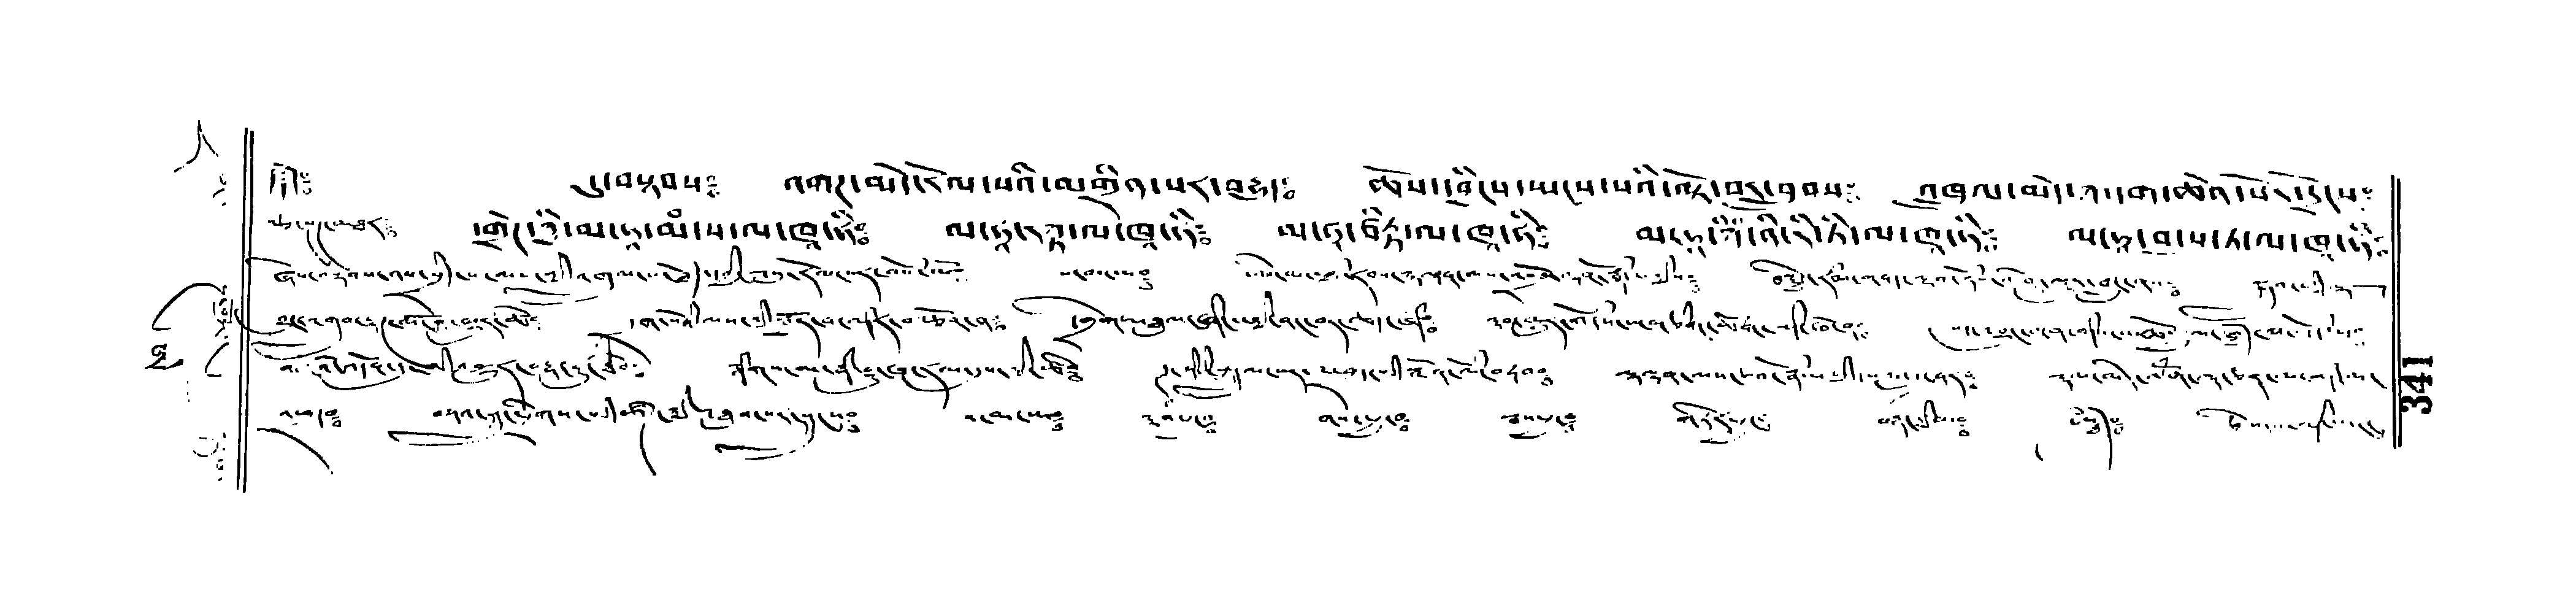དུ་བསྟབས༔ འགགས་མེད་རོལ་པའི་མགྲིན་པར་བརྒྱུད༔ ཆོས་དབྱིངས་ཡངས་པའི་ལྟོ་བར་བྲུབས༔ འཁྲུལ་མེད་ཀ་དག་ཆེན་པོར་དྲོངས༔ 
རྩ་སྔགས་མཐར༔ དགྲ་བགེགས་ཀྱི་མ་ཧཱ་མཾ་ས་ལ་ཁཱ་ཧི༔ མ་ཧཱ་རཀྟ་ལ་ཁཱ་ཧི༔ མ་ཧཱ་ཙིཏྟ་ལ་ཁཱ་ཧི༔ མ་ཧཱ་ཀིཾ་ནི་རི་ཏི་ལ་ཁཱ་ཧི༔ ལ་ཧཱ་བསུ་ཏ་ལ་ཁཱ་ཧི༔ 
ཞེས་བསྟབས་ནས་སྲིད་པ་ལས་ཀྱི་འཁྲུལ་པ་ཐམས་ཅད་དབྱིངས་སུ་རོལ་པར་བསམ་མོ༔ ས་མ་ཡ༔ ཨེ་མཿཕྱི་རབས་སྐལ་ལྡན་ལས་འཕྲོ་ལྡན་རྣམས་ཀྱིས༔ བསྐྱེད་རིམ་གནད་ཟབ་ཉམས་ལེན་ལྷུར་བླང་ནས༔ སྒྲུབ་པའི་ལྟས་
བྱུང་འགྲུབ་རྟགས་མངོན་གྱུར་ཚེ༔ དྲག་པོའི་ལས་ཀྱི་སྦྱོར་བ་འདིར་བརྩོན་ན༔ དགྲ་བགེགས་ཐུལ་ཞིང་ཕྱི་ནང་བར་ཆད་ཞི༔ ཟབ་གྱུར་གདམས་པ་གཅིག་ཆོག་འདི་ཁོ་ན༔ པད་འབྱུང་བདག་གིས་མཚོ་རྒྱལ་ཁྱེད་ལ་གདམས༔ 
མ་འོངས་དོན་དུ་མི་འགྱུར་བརྡ་རུ་ཐོབ༔ སྙིགས་མ་ཉི་ཤུ་ཁ་རལ་དུས་ཀྱི་ཚེ༔ ཌཱ་ཀིའི་སྤྲུལ་པར་འཕྲད་པའི་སྨོན་ལམ་བཏབ༔ སྐལ་ལྡན་ལས་ཅན་རྣམས་ཀྱི་དཔལ་དུ་ཤར༔ སྐལ་མེད་ལོག་ལྟ་ཅན་ལ་འདི་མ་
འཕྲད༔ བཀའ་སྲུང་དྲེགས་པའི་ཚོགས་ཀྱིས་ཐུབ་པར་སྲུངས༔ས་མ་ཡ༔ ཟབ་རྒྱ༔ གསང་རྒྱ༔ སྦས་རྒྱ༔ གཏེར་རྒྱ༔ བརྡ་ཐིམ༔ ༔ ཅེས་པ་འདི་ཡང་